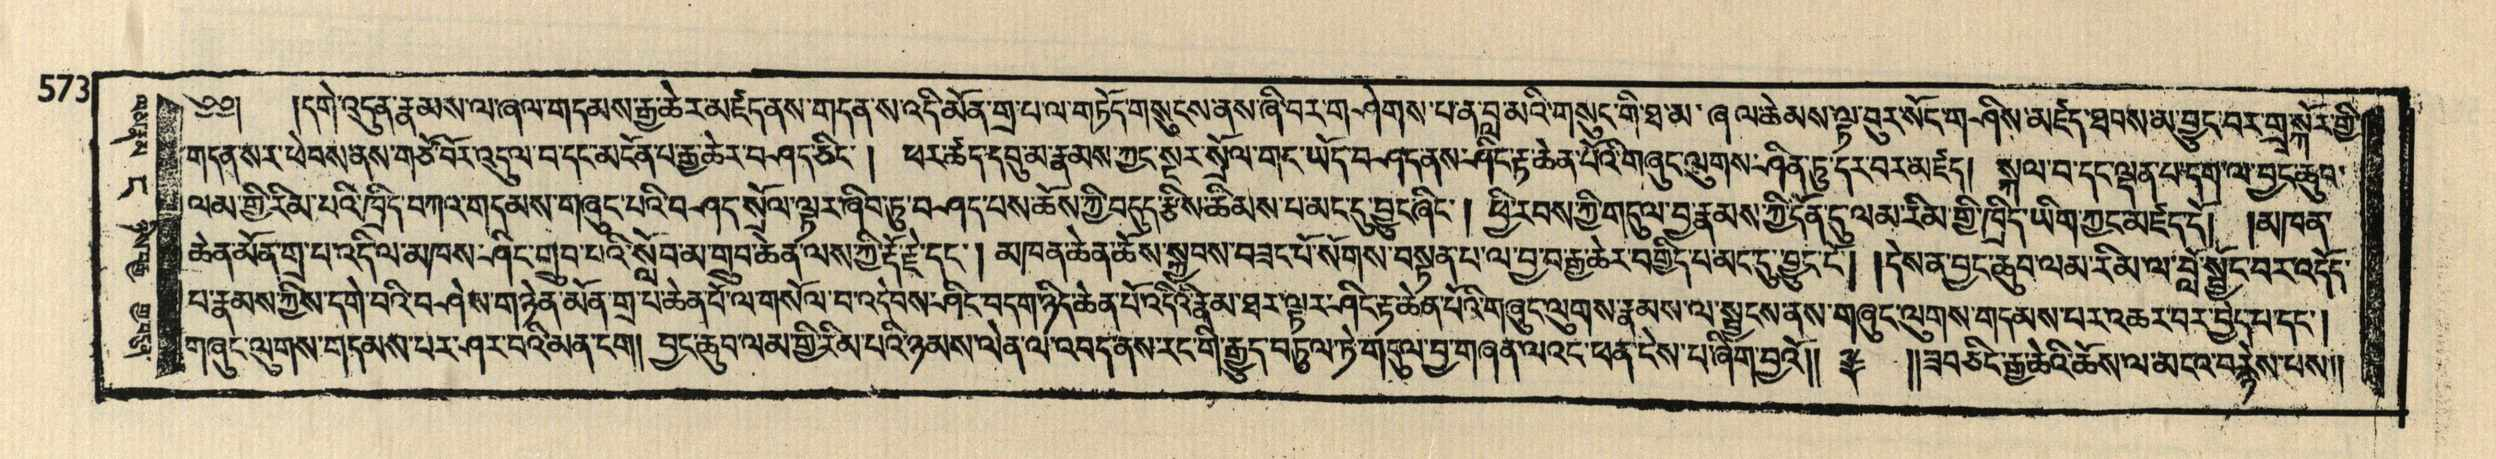༄༅། །དགེ་འདུན་རྣམས་ལ་ཞལ་གདམས་རྒྱ་ཆེར་མཛད་ནས་གདན་ས་འདི་མོན་གྲ་པ་ལ་གཏོད་གསུངས་ནས་ཞི་བར་གཤེགས་པ་ན་བླ་མའི་གསུང་གི་ཐ་མ་ཞལ་ཆེམས་ལྟ་བུར་སོང་གཤིས་མཛད་ཐབས་མ་བྱུང་བར་གྲྭ་སྐོར་གྱི་
གདན་སར་ཕེབས་ནས་གཙོ་བོར་འདུལ་བ་དང་མངོན་པ་རྒྱ་ཆེར་བཤད་ཅིང་། ཕར་ཚད་བུ་མ་རྣམས་ཀྱང་སྔར་སྲོལ་གང་ཡོད་བཤད་ནས་ཤིང་རྟ་ཆེན་པོའི་གཞུང་ལུགས་ཤིན་ཏུ་དར་བར་མཛད། སྐལ་བ་དང་ལྡན་པ་དག་ལ་བྱང་ཆུབ་
ལམ་གྱི་རིམ་པའི་ཁྲིད་བཀའ་གདམས་གཞུང་པའི་བཤད་སྲོལ་ལྟར་ཞིབ་ཏུ་བཤད་པས་ཆོས་ཀྱི་བདུད་རྩིས་ཆིམས་པ་མང་དུ་བྱུང་ཞིང་། ཕྱི་རབས་ཀྱི་གདུལ་བྱ་རྣམས་ཀྱི་དོན་དུ་ལམ་རིམ་གྱི་ཁྲིད་ཡིག་ཀྱང་མཛད་དོ། །མཁན་
ཆེན་མོན་གྲ་པ་འདི་ལ་མཁས་ཤིང་གྲུབ་པའི་སློབ་མ་གྲུབ་ཆེན་ལས་ཀྱི་རྡོ་རྗེ་དང་། མཁན་ཆེན་ཆོས་སྐྱབས་བཟང་པོ་སོགས་བསྟན་པ་ལ་བྱ་བ་རྒྱ་ཆེར་བགྱིད་པ་མང་དུ་བྱུང་ངོ། །དེས་ན་བྱང་ཆུབ་ལམ་རིམ་ལ་བློ་སྦྱོང་བར་འདོད་
པ་རྣམས་ཀྱིས་དགེ་བའི་བཤེས་གཉེན་མོན་གྲ་པ་ཆེན་པོ་ལ་གསོལ་བ་འདེབས་ཤིང་བདག་ཉིད་ཆེན་པོ་འདིའི་རྣམ་ཐར་ལྟར་ཤིང་རྟ་ཆེན་པོའི་གཞུང་ལུགས་རྣམས་ལ་སྦྱངས་ནས་གཞུང་ལུགས་གདམས་པར་འཆར་བར་བྱེད་པ་དང་།
གཞུང་ལུགས་གདམས་པར་ཤར་བའི་མན་ངག། བྱང་ཆུབ་ལམ་གྱི་རིམ་པའི་ཉམས་ལེན་ལ་འབད་ནས་རང་གི་རྒྱུད་བཏུལ་ཏེ་གདུལ་བྱ་གཞན་ལའང་ཕན་ངེས་པ་ཞིག་བྱའོ།། ༈ །།ཟབ་ཅིང་རྒྱ་ཆེའི་ཆོས་ལ་མངའ་བརྙེས་པས།།